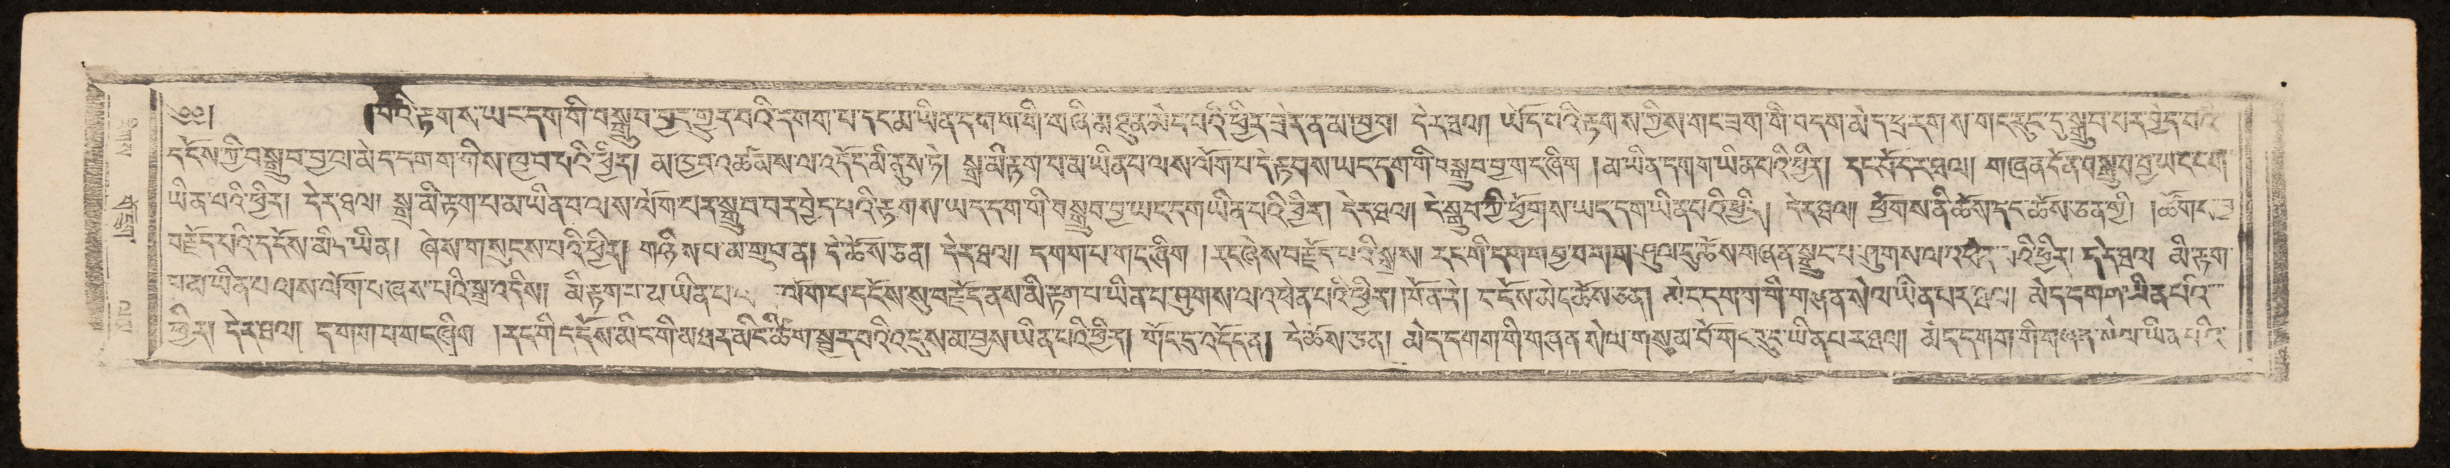༄༅། །པའི་རྟགས་ཡང་དག་གི་བསྒྲུབ་བྱར་གྱུར་པའི་དགག་པ་དང་མ་ཡིན་དགག་གི་གཞི་མཐུན་མེད་པའི་ཕྱིར་ཟེར་ན་མ་ཁྱབ། དེར་ཐལ། ཡོད་པའི་རྟགས་ཀྱིས་གང་ཟག་གི་བདག་མེད་ཕྲ་རགས་གང་རུང་དུ་སྒྲུབ་པར་བྱེད་པའི་
དངོས་ཀྱི་བསྒྲུབ་བྱ་ལ་མེད་དགག་གིས་ཁྱབ་པའི་ཕྱིར། མ་ཁྱབ་འཚམས་ལ་འདོད་མི་ནུས་ཏེ། སྒྲ་མི་རྟག་པ་མ་ཡིན་པ་ལས་ལོག་པ་དེ་རྟགས་ཡང་དག་གི་བསྒྲུབ་བྱ་གང་ཞིག །མ་ཡིན་དགག་ཡིན་པའི་ཕྱིར། དང་པོ་དེར་ཐལ། གཞན་དོན་བསྒྲུབ་བྱ་ཡང་དག་
ཡིན་པའི་ཕྱིར། དེར་ཐལ། སྒྲ་མི་རྟག་པ་མ་ཡིན་པ་ལས་ལོག་པར་སྒྲུབ་པར་བྱེད་པའི་རྟགས་ཡང་དག་གི་བསྒྲུབ་བྱ་ཡང་དག་ཡིན་པའི་ཕྱིར། དེར་ཐལ། དེ་སྒྲུབ་ཀྱི་ཕྱོགས་ཡང་དག་ཡིན་པའི་ཕྱིར། དེར་ཐལ། ཕྱོགས་ནི་ཆོས་དང་ཆོས་ཅན་གྱི། །ཚོགས་པ་
བརྗོད་པའི་དངོས་མིང་ཡིན། །ཞེས་གསུངས་པའི་ཕྱིར། གཉིས་པ་མ་གྲུབ་ན། དེ་ཆོས་ཅན། དེར་ཐལ། དགག་པ་གང་ཞིག །རང་ཞེས་བརྗོད་པའི་སྒྲས། རང་གི་དགག་བྱ་བཀག་ཤུལ་དུ་ཆོས་གཞན་སྒྲུབ་པ་ཤུགས་ལ་འཕེན་པའི་ཕྱིར། དེར་ཐལ། མི་རྟག་
པ་མ་ཡིན་པ་ལས་ལོག་པ་ཞེས་པའི་སྒྲ་འདིས། མི་རྟག་པ་མ་ཡིན་པ་ལས་ལོག་པ་དངོས་སུ་བརྗོད་ནས་མི་རྟག་པ་ཡིན་པ་ཤུགས་ལ་འཕེན་པའི་ཕྱིར། ཁོ་ན་རེ། དངོས་མེད་ཆོས་ཅན། མེད་དགག་གི་གཞན་སེལ་ཡིན་པར་ཐལ། མེད་དགག་ཡིན་པའི་
ཕྱིར། དེར་ཐལ། དགག་པ་གང་ཞིག །རང་གི་དངོས་མི་དགི་མཐར་མེད་ཚིག་སྦྱར་བའི་འདུས་མ་བྱས་ཡིན་པའི་ཕྱིར། གོང་དུ་འདོད་ན། དེ་ཆོས་ཅན། མེད་དགག་གི་གཞན་སེལ་གསུམ་པོ་གང་རུང་ཡིན་པར་ཐལ། མེད་དགག་གི་གཞན་སེལ་ཡིན་པའི་